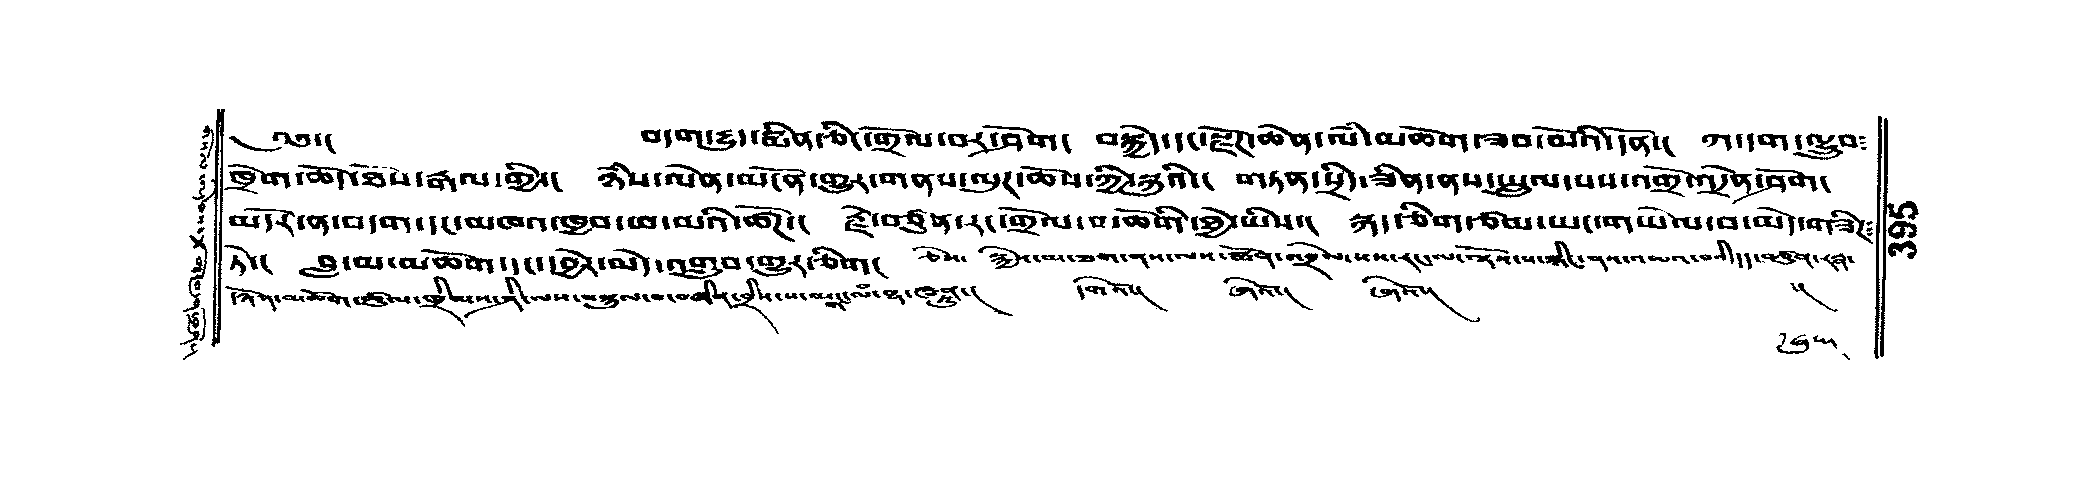བདག་རྒྱུད་སྨིན་ཅིང་གྲོལ་བར་ཤོག །བསྐྱེད་དང་རྫོགས་ཆེན་ལམ་མཆོག་ཟབ་མོའི་དོན། །ཀ་དག་ལྷུན་གྲུབ་
ཁྲེག་ཆོད་ཐོད་རྒལ་གྱི། །ཉམས་ལེན་མངོན་གྱུར་གནས་ལུགས་ཆོས་ཀྱི་སྐུའི། །གཏན་སྲིད་ཟིན་ནས་སྤྲུལ་པས་འགྲོ་འདྲེན་ཤོག །
མདོར་ན་བདག་དང་མཁའ་ཁྱབ་ཕ་མའི་ཚོགས། །རྗེ་བཙུན་རང་གྲོལ་མཆོག་གི་ཐུགས་རྗེ་ཡིས། །སྐད་ཅིག་ཙམ་ཡང་གཡེལ་བ་མེད་གཟིགས་
ཏེ། །བླ་མ་མཆོག་དང་དབྱེར་མེད་འགྲུབ་གྱུར་ཅིག ཅེས་སྐྱེས་མ་ཐག་ནས་ལས་སྨོན་འབྲེལ་པས་རང་ལ་ལྟོས་པ་སྙིང་ནས་འཆང་བའི་དད་བཙུན་རཏྣ་
དཀོན་མཆོག་ཚུལ་ཁྲིམས་ཤཱི་ལས་བསྐུལ་བ་བཞིན་བྲིས་པ་མངྒ་ལཾ་བྷ་ཝནྟུ།། དགེའོ།།